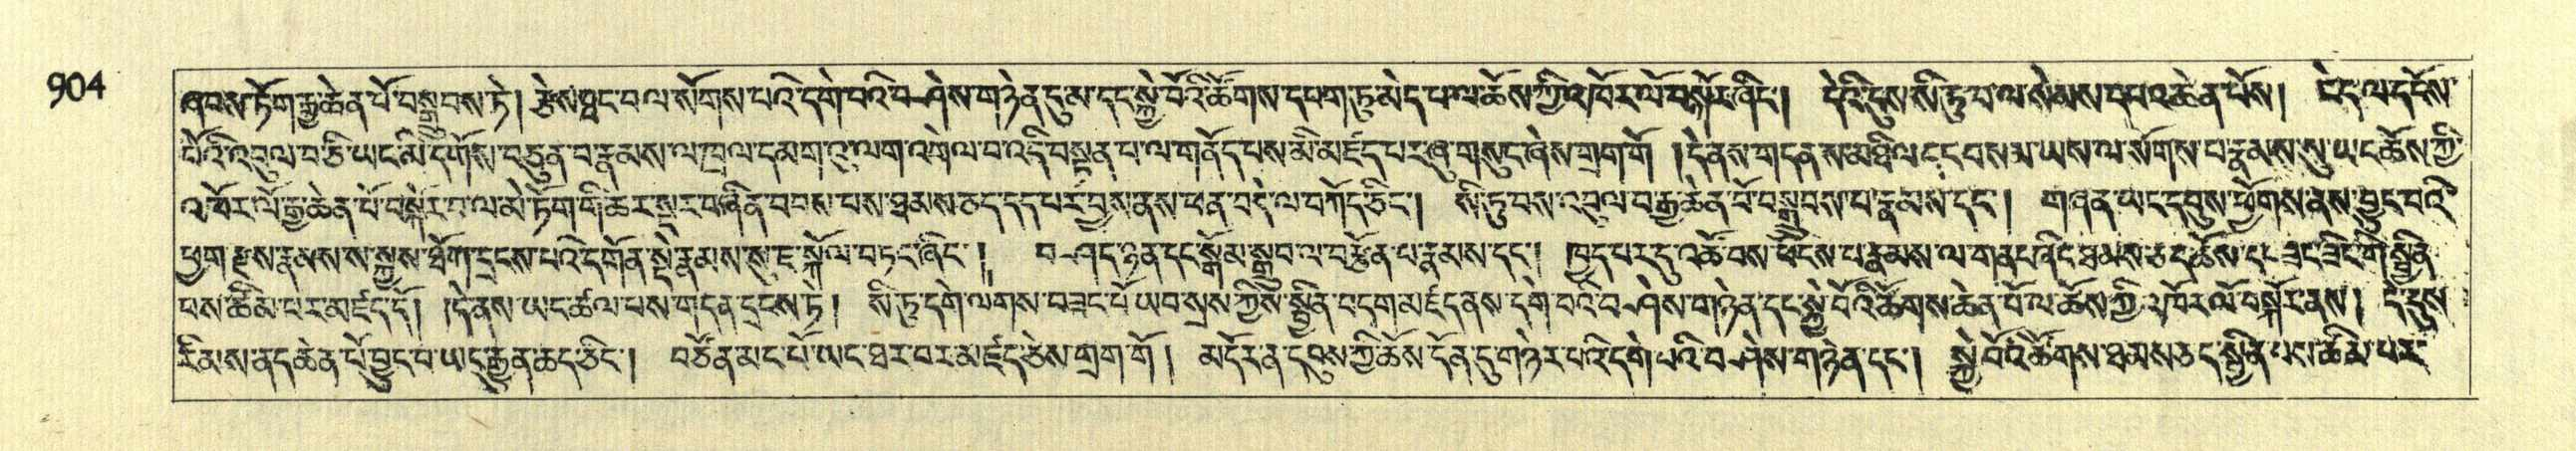ཞབས་ཏོག་རྒྱ་ཆེན་པོ་བསྒྲུབས་ཏེ། རྩེས་ཐང་བ་ལ་སོགས་པའི་དགེ་བའི་བཤེས་གཉེན་དུ་མ་དང་སྐྱེ་བོའི་ཚོགས་དཔག་ཏུ་མེད་པ་ལ་ཆོས་ཀྱི་འཁོར་ལོ་བསྐོར་ཞིང་། དེའི་དུས་སི་ཏུ་བ་ལ་སེམས་དཔའ་ཆེན་པོས། ངེད་ལ་དངོས་
པོའི་འབུལ་བ་ཅི་ཡང་མི་དགོས་བཅུན་བ་རྣམས་ལ་ཁྲལ་དམག་འུ་ལག་འགེལ་བ་འདི་བསྟན་པ་ལ་གནོད་པས་མི་མཛད་པར་ཞུ་གསུང་ཞེས་གྲག་གོ །དེ་ནས་གདན་ས་མཐིལ་དང་བསམ་ཡས་ལ་སོགས་པ་རྣམས་སུ་ཡང་ཆོས་ཀྱི་
འཁོར་ལོ་རྒྱ་ཆེན་པོ་བསྐོར་བ་ལ་མེ་ཏོག་གི་ཆར་སྔར་བཞིན་བབས་པས་ཐམས་ཅད་དད་པར་བྱས་ནས་ཕན་བདེ་ལ་བཀོད་ཅིང་། སི་ཏུ་བས་འབུལ་བ་རྒྱ་ཆེན་པོ་བསྒྲུབས་པ་རྣམས་དང་། གཞན་ཡང་དབུས་ཕྱོགས་ནས་བྱུང་བའི་
ཕྱག་རྫས་རྣམས་ས་སྐྱས་ཐོག་དྲངས་པའི་དགོན་སྡེ་རྣམས་སུ་ཇ་སྐོལ་བཏང་ཞིང་། བཤད་ཉན་དང་སྒོམ་སྒྲུབ་ལ་བརྩོན་པ་རྣམས་དང་། ཁྱད་པར་དུ་འཚོ་བས་ཕོངས་པ་རྣམས་ལ་གནང་ཞིང་ཐམས་ཅད་ཆོས་དང་ཟང་ཟིང་གི་སྦྱིན་
ཕས་ཚིམ་པར་མཛད་དོ། །དེ་ནས་ཡང་ཚལ་པས་གདན་དྲངས་ཏེ། སི་ཏུ་དགེ་ལེགས་བཟང་པོ་ཡབ་སྲས་ཀྱིས་སྦྱིན་བདག་མཛད་ནས་དགེ་བའི་བཤེས་གཉེན་དང་སྐྱེ་བོའི་ཚོགས་ཆེན་པོ་ལ་ཆོས་ཀྱི་འཁོར་ལོ་བསྐོར་ནས། དེ་དུས་
རིམས་ནད་ཆེན་པོ་བྱུང་བ་ཡང་རྒྱུན་ཆད་ཅིང་། བཙོན་མང་པོ་ཡང་ཐར་བར་མཛད་ཅེས་གྲག་གོ། མདོར་ན་དབུས་ཀྱི་ཆོས་དོན་དུ་གཉེར་པའི་དགེ་པའི་བཤེས་གཉེན་དང་། སྐྱེ་བོའི་ཚོགས་ཐམས་ཅད་སྦྱིན་པས་ཚིམ་པར་